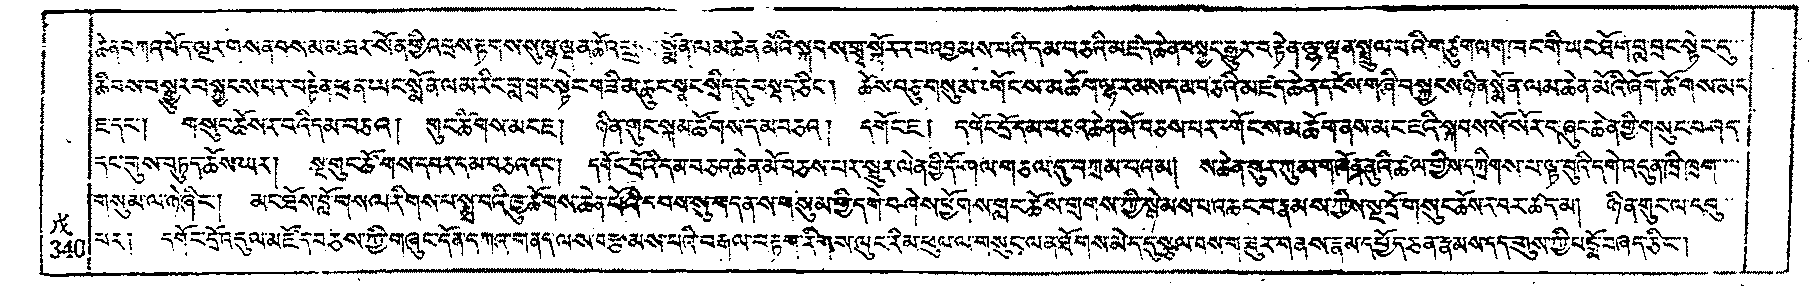ཆེན་བཀའ་པོད་ལྔར་གསན་བསམ་མཐར་སོན་གྱི་འབྲས་རྟགས་སུ་ལྷ་ལྡན་ཆོ་འཕྲུལ་སྨོན་ལམ་ཆེན་མོའི་སྐབས་གྲྭ་སྐོར་རབ་འབྱམས་པའི་དམ་བཅའི་མཛད་ཆེན་བསྐྱང་རྒྱུར་བརྟེན་ལྷ་ལྡན་སྤྲུལ་པའི་གཙུག་ལག་ཁང་གི་ཡང་ཐོག་བླ་བྲང་སྟེང་དུ་
ཆིབས་བསྒྱུར་བསྐྱངས་པར་བརྟེན་ཕྲན་ཡང་སྨོན་ལམ་རིང་བླ་བྲང་སྟེང་གཟིམ་ཆུང་སྣང་སྲིད་དུ་བསྡད་ཅིང་། ཚེས་བཅུ་གསུམ་༧གོང་ས་མཆོག་ལྷ་རམས་དམ་བཅའི་མཛད་ཆེན་དངོས་གཞི་བསྐྱངས་ཉིན་སྨོན་ལམ་ཆེན་མོའི་ཞོག་ཚོགས་མང་
ཇ་དང་། གསུང་ཆོས་ར་བའི་དམ་བཅའ། གུང་ཚིགས་མང་ཇ། ཉིན་གུང་སྐམ་ཚོགས་དམ་བཅའ། དགོང་ཇ། དགོང་དྲོ་དམ་བཅའ་ཆེན་མོ་བཅས་པར་༧གོང་ས་མཆོག་ནས་མང་ཇའི་སྐབས་སོ་སོར་གཞུང་ཆེན་གྱི་གསུང་བཤད་
དང་གུས་བཏུད་ཆོས་ཡར། སྔ་གུང་ཚོགས་དབར་དམ་བཅའ་དང་། དགོང་དྲོའི་དམ་བཅའ་ཆེན་མོ་བཅས་པར་སྤུར་ལེན་གྱི་དོ་ཤལ་གཅལ་དུ་བཀྲམ་པའམ། ས་ཆེན་གུར་ཀུམ་གཞོན་ནུའི་ཚལ་གྱིས་དཀྲིགས་པ་ལྟ་བུའི་དགེ་འདུན་ཁྲི་ཁྲག་
གསུམ་ལ་ཉེ་ཞིང་། མང་ཐོས་བློ་གསལ་རིགས་པ་སྨྲ་བའི་ཁྱུ་ཚོགས་ཆེན་པོའི་དབས་སུ་གདན་ས་གསུམ་གྱི་དགེ་བཤེས་ཕྱོགས་གླང་ཆོས་གྲགས་ཀྱི་སྙེམས་པ་འཆང་བ་རྣམས་ཀྱིས་སྔ་དྲོ་གསུང་ཆོས་ར་བར་ཚད་མ། ཉིན་གུང་ལ་དབུ་
པར། དགོང་དྲོ་འདུལ་མཛོད་བཅས་ཀྱི་གཞུང་དོན་དཀའ་གནད་ལས་བརྩམས་པའི་བརྒལ་བརྟག་རིགས་ལུང་རིམ་ཕུལ་ལ་གསུང་ལན་ཐོགས་མེད་དུ་སྩལ་བས་གཟུར་གནས་རྣམ་དཔྱོད་ཅན་རྣམས་དད་གུས་ཀྱི་པདམོ་བཞད་ཅིང་།